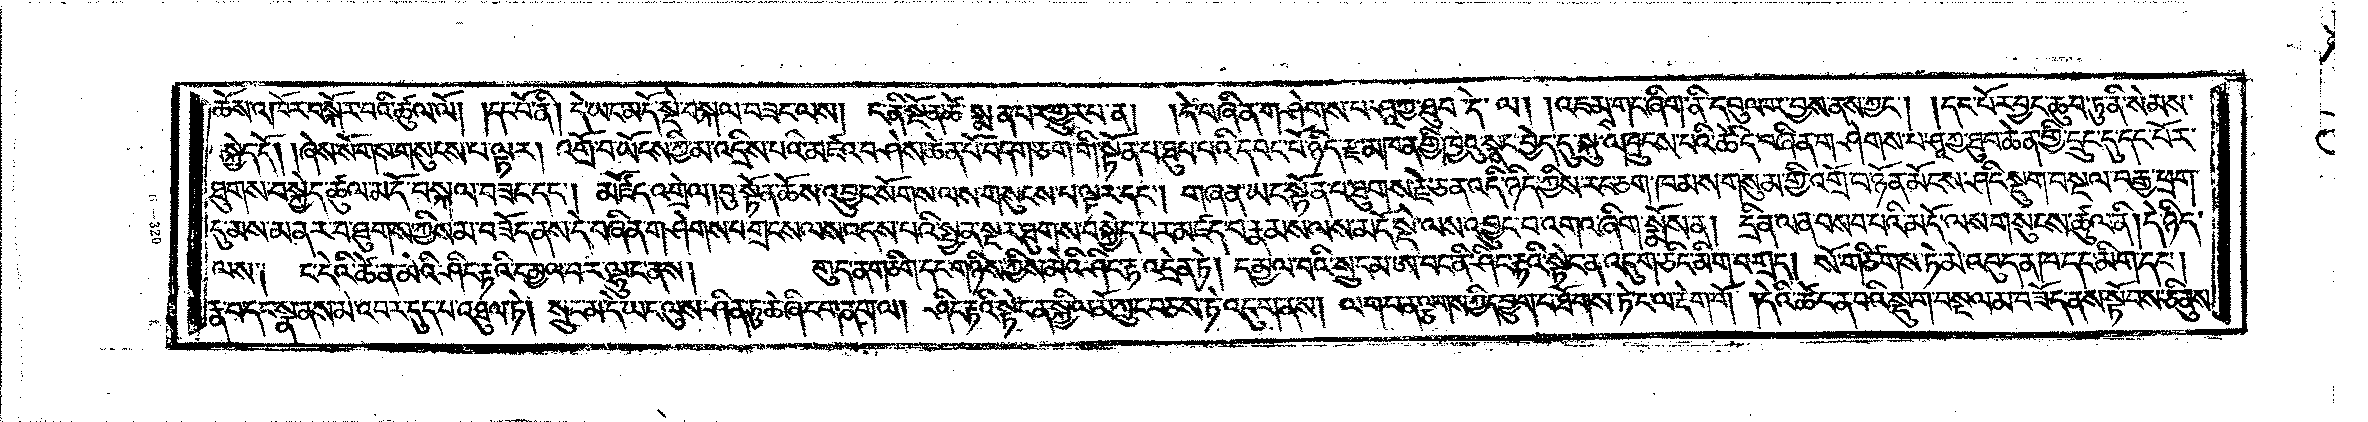ཆོས་འཁོར་བསྐོར་བའི་ཚུལ་ལོ། །དང་པོ་ནི། དེ་ཡང་མདོ་སྡེ་བསྐལ་བཟང་ལས། ང་ནི་སྔོན་ཚེ་སྨན་པར་གྱུར་པ་ན། །དེ་བཞིན་གཤེགས་པ་ཤཱཀྱ་ཐུབ་དེ་ལ། །འཇམས་གང་ཞིག་ནི་དབུལ་བར་བྱས་ནས་ཀྱང་། །དང་པོར་བྱང་ཆུབ་ཏུ་ནི་སེམས་
བསྐྱེད་དོ། །ཞེས་སོགས་གསུངས་པ་ལྟར། འགྲོ་བ་ཡོངས་ཀྱི་མ་འདྲིས་པའི་མཛའ་བཤེས་ཆེན་པོ་བདག་ཅག་གི་སྟོན་པ་ཐུབ་པའི་དབང་པོ་ཉིད་རྫ་མཁན་གྱི་ཁྱེའུ་སྣང་བྱེད་དུ་སྐུ་འཁྲུངས་པའི་ཚེ་དེ་བཞིན་གཤེགས་པ་ཤཱཀྱ་ཐུབ་ཆེན་གྱི་དྲུང་དུ་དང་པོར་
ཐུགས་བསྐྱེད་ཚུལ་མདོ་བསྐལ་བཟང་དང་། མཛོད་འགྲེལ། བུ་སྟོན་ཆོས་འབྱུང་སོགས་ལས་གསུངས་པ་ལྟར་དང་། གཞན་ཡང་སྟོན་པ་ཐུགས་རྗེ་ཅན་འདི་ཉིད་ཀྱིས་རང་ཅག་ཁམས་གསུམ་གྱི་འགྲོ་བ་ཉོན་མོངས་ཤིང་སྡུག་བསྔལ་བརྒྱ་ཕྲག་
དུ་མས་མནར་བ་ཐུགས་ཀྱིས་མ་བཟོད་ནས་དེ་བཞིན་གཤེགས་པ་གྲངས་ལས་འདས་པའི་སྤྱན་སྔར་ཐུགས་བསྐྱེད་པར་མཛད་པ་རྣམས་ལས་མདོ་སྡེ་ལས་འབྱུང་བ་འགའ་ཞིག་སྨོས་ན། དྲིན་ལན་བསབ་པའི་མདོ་ལས་གསུངས་ཚུལ་ནི། དེ་ཉིད་
ལས༑ ང་དེའི་ཚེ་ན་མེའི་ཤིང་རྟའི་དམྱལ་བར་ལྷུང་ནས། གུད་ན་གཅིག་དང་གཉིས་ཀྱིས་མེའི་ཤིང་རྟ་འདྲེན་ཏེ། དམྱལ་བའི་སྲུང་མ་ཨ་བང་ནི་ཤིང་རྟའི་སྟེང་ན་འདུག་ཅིང་མིག་བགྲད། སོ་གཙིགས་ཏེ་མེ་འབུད་ན་ཁ་དང་མིག་དང་།
རྣ་བ་དང་སྣ་ནས་མེ་འབར་དུད་པ་འཐུལ་ཏེ། སྲུང་མ་དེ་ཡང་ལུས་ཤིན་ཏུ་ཆེ་ཞིང་གནག་ལ། ཤིང་རྟའི་སྟེང་ན་སྐྱིལ་མོ་ཀྲུང་བཅས་ཏེ་འདུ་གནས། ལག་པ་ན་ལྕགས་ཀྱི་དབྱུག་པ་ཐོགས་ཏེ་ང་ལ་རྡེག་གོ །དེའི་ཚེ་ངན་བའི་སྡུག་བསྔལ་མ་བཟོད་ནས་སྟོབས་ཅི་ནུས་